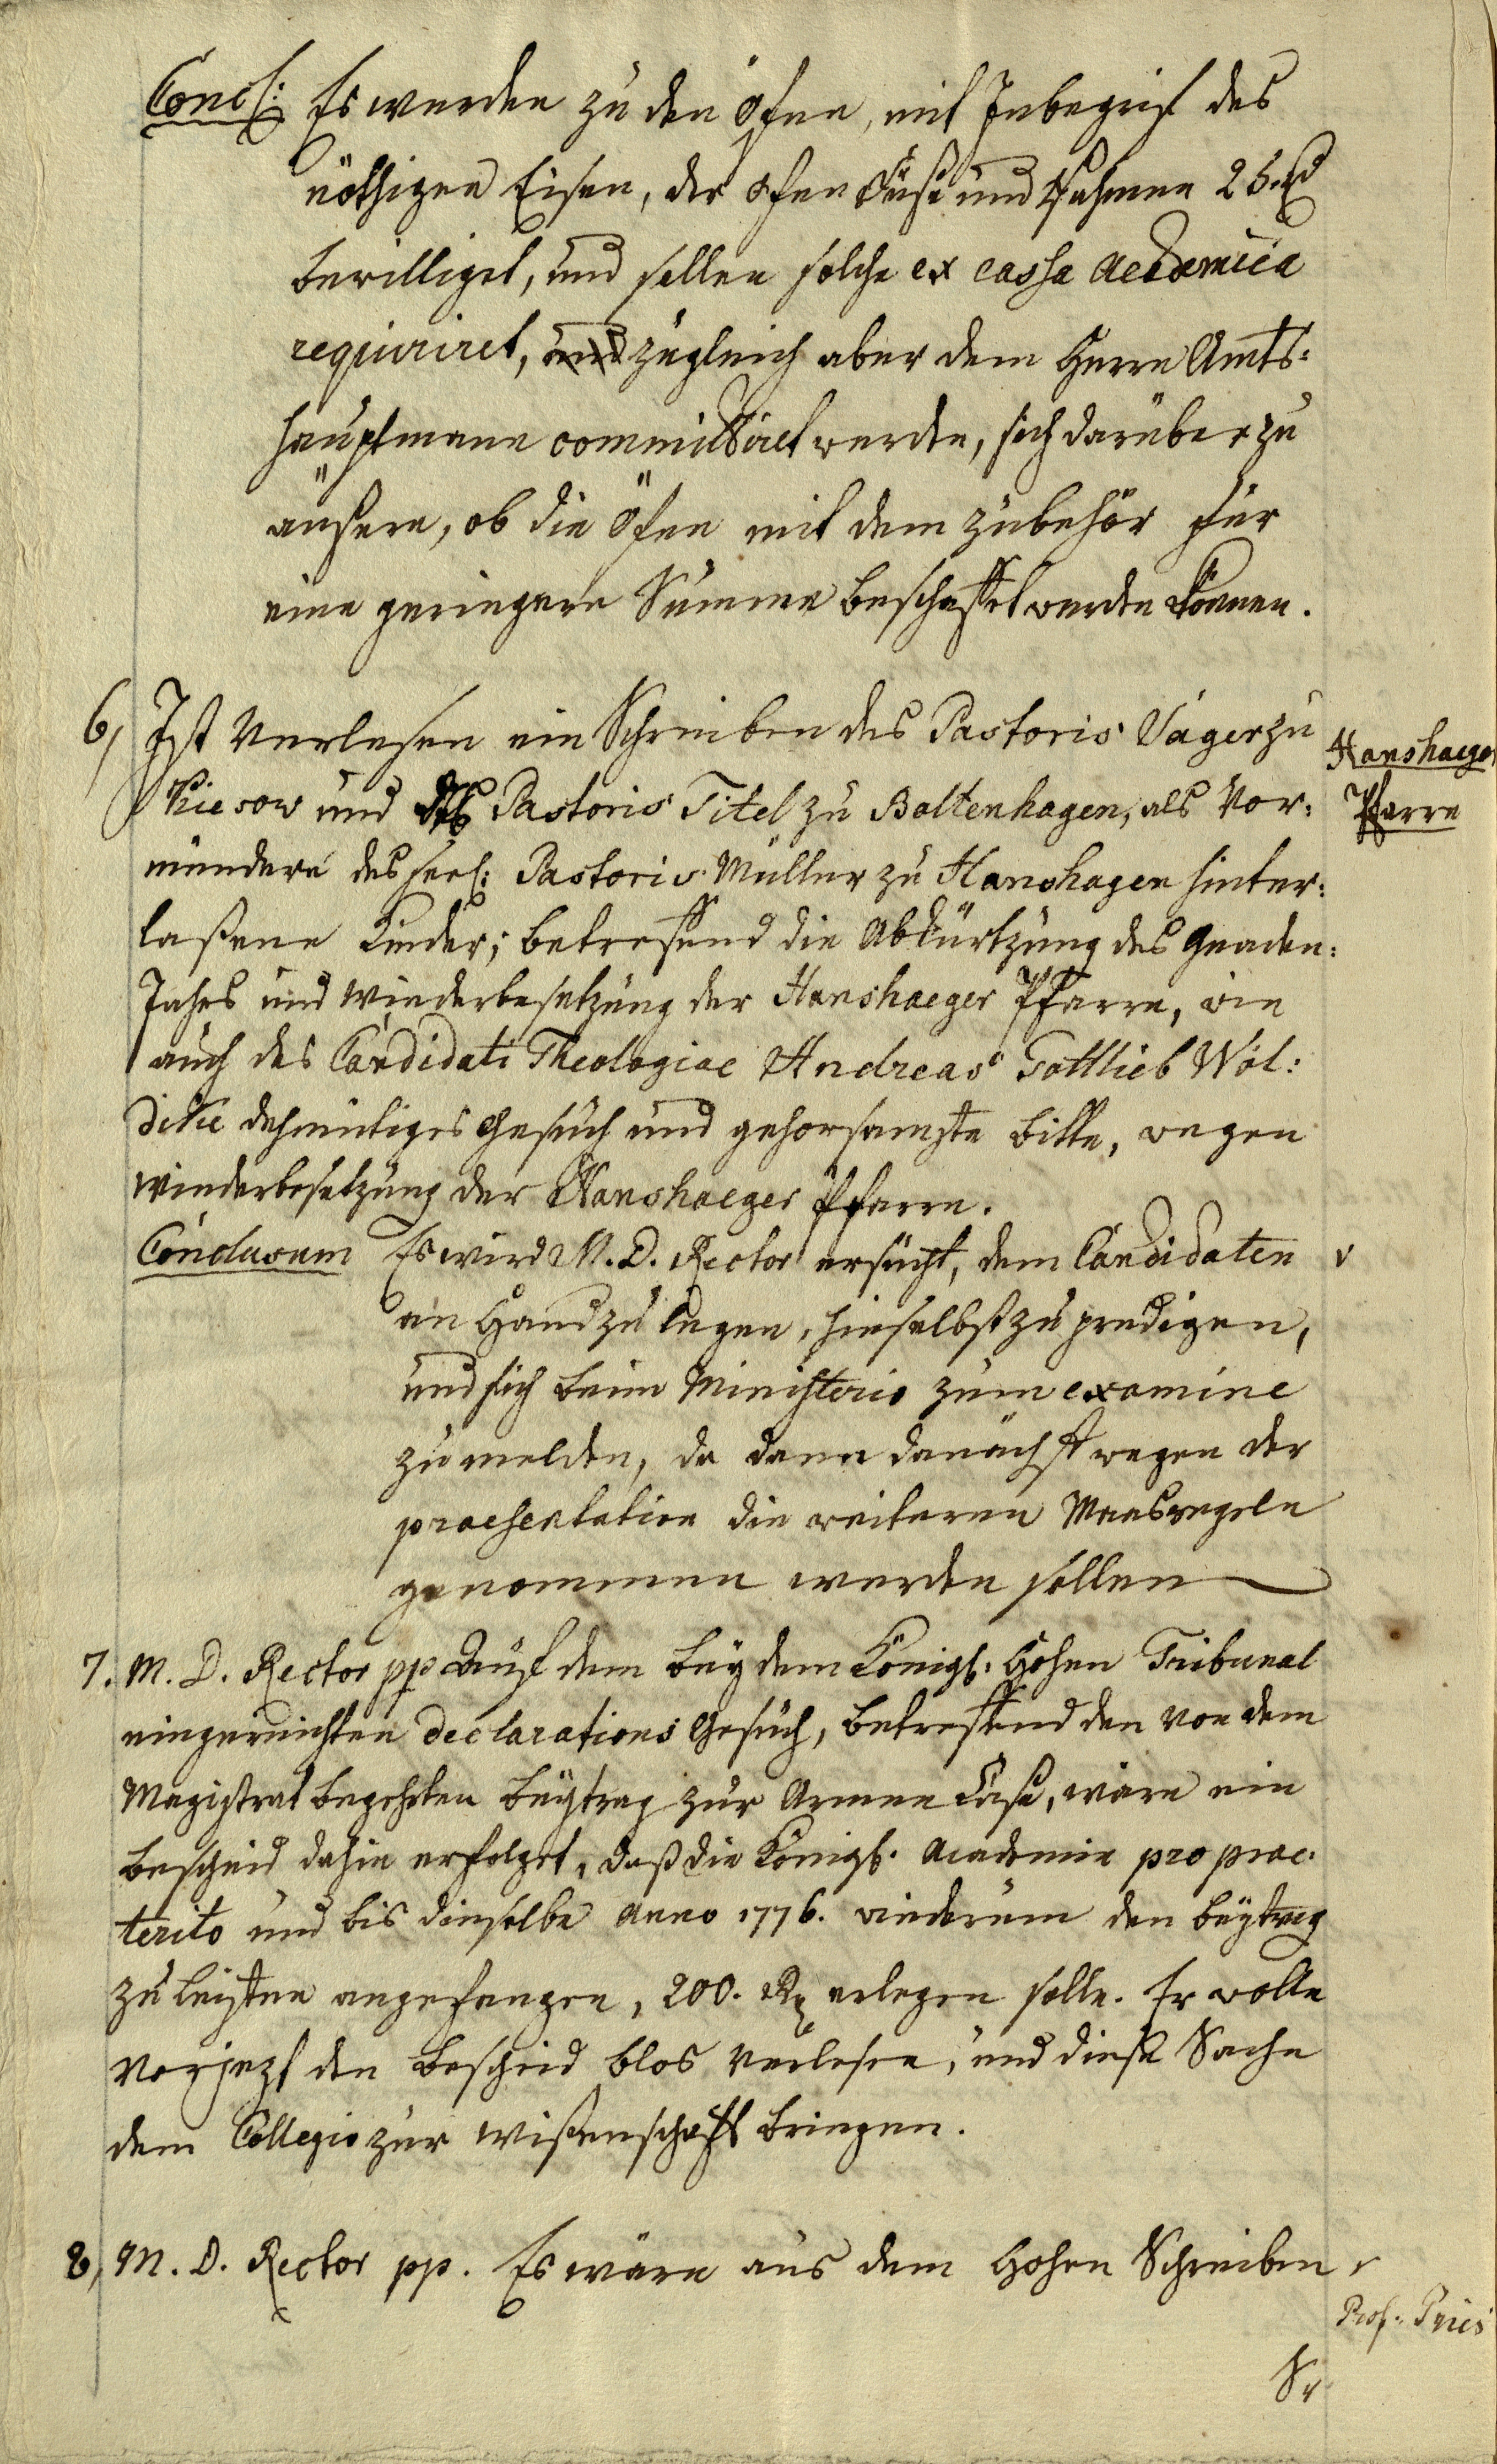6, Ist verlesen ein Schreiben des Pastoris Sager zu Hanshagen
Kiesow und dh Pastoris Titel zu Boltenhagen, als Vor- Pfarre
mündern des seel: Pastoris Müller zu Hanshagen hinter¬
laßene Kinder; betreffend die Abkürtzung des Gnaden¬
Jahrs und Wiederbesetzung der Hanshaeger Pfarre, wie
auch des Candidati Theologiae Andreas Gottlieb Wöl¬
dike dehmütiges Gesuch und gehorsamste Bitte, wegen
Wiederbesetzung der Hanshaeger Pfarre.
Conclusum Es wird M. D. Rector ersucht, dem Candidaten
an Hand zu legen, hieselbst zu predigen,
und sich beim Ministerio zum examine
zu melden, da dann danächst wegen der
praesentation die weiteren Maasregeln
genommen werden sollen
7. M. D. Rector pp Auf dem beÿ dem Königl: Hohen Tribunal
eingereichten declarations Gesuch, betreffend den von dem
Magistrat begehrten Beÿtrag zur Armen Caßa, wäre ein
Bescheid dahin erfolget, daß die Königl: Academie pro prae¬
terito und bis dieselbe anno 1776. wiederum den Beÿtrag
zu leisten angefangen, 200. R erlegen solle. Er wolte
vorjezt den Bescheid blos verlesen, und diese Sache
dem Collegio zur Wißenschaft bringen.
8, M.D. Rector pp. Es wäre aus dem Hohen Schreiben Prof. Pries
Sr
Concl.: Es werden zu den Öfen, mit Inbegrif des
nöthigen Eisen, der Ofen Füße und Rahmen 25. r
bewilliget, und sollen solche ex cassa Academica
requiriret, und zugleich aber dem Herrn Amts¬
hauptmann committiret werden, sich darüber zu
äußern, ob die Öfen mit dem Zubehör für
eine geringere Summe beschaffet werden können.